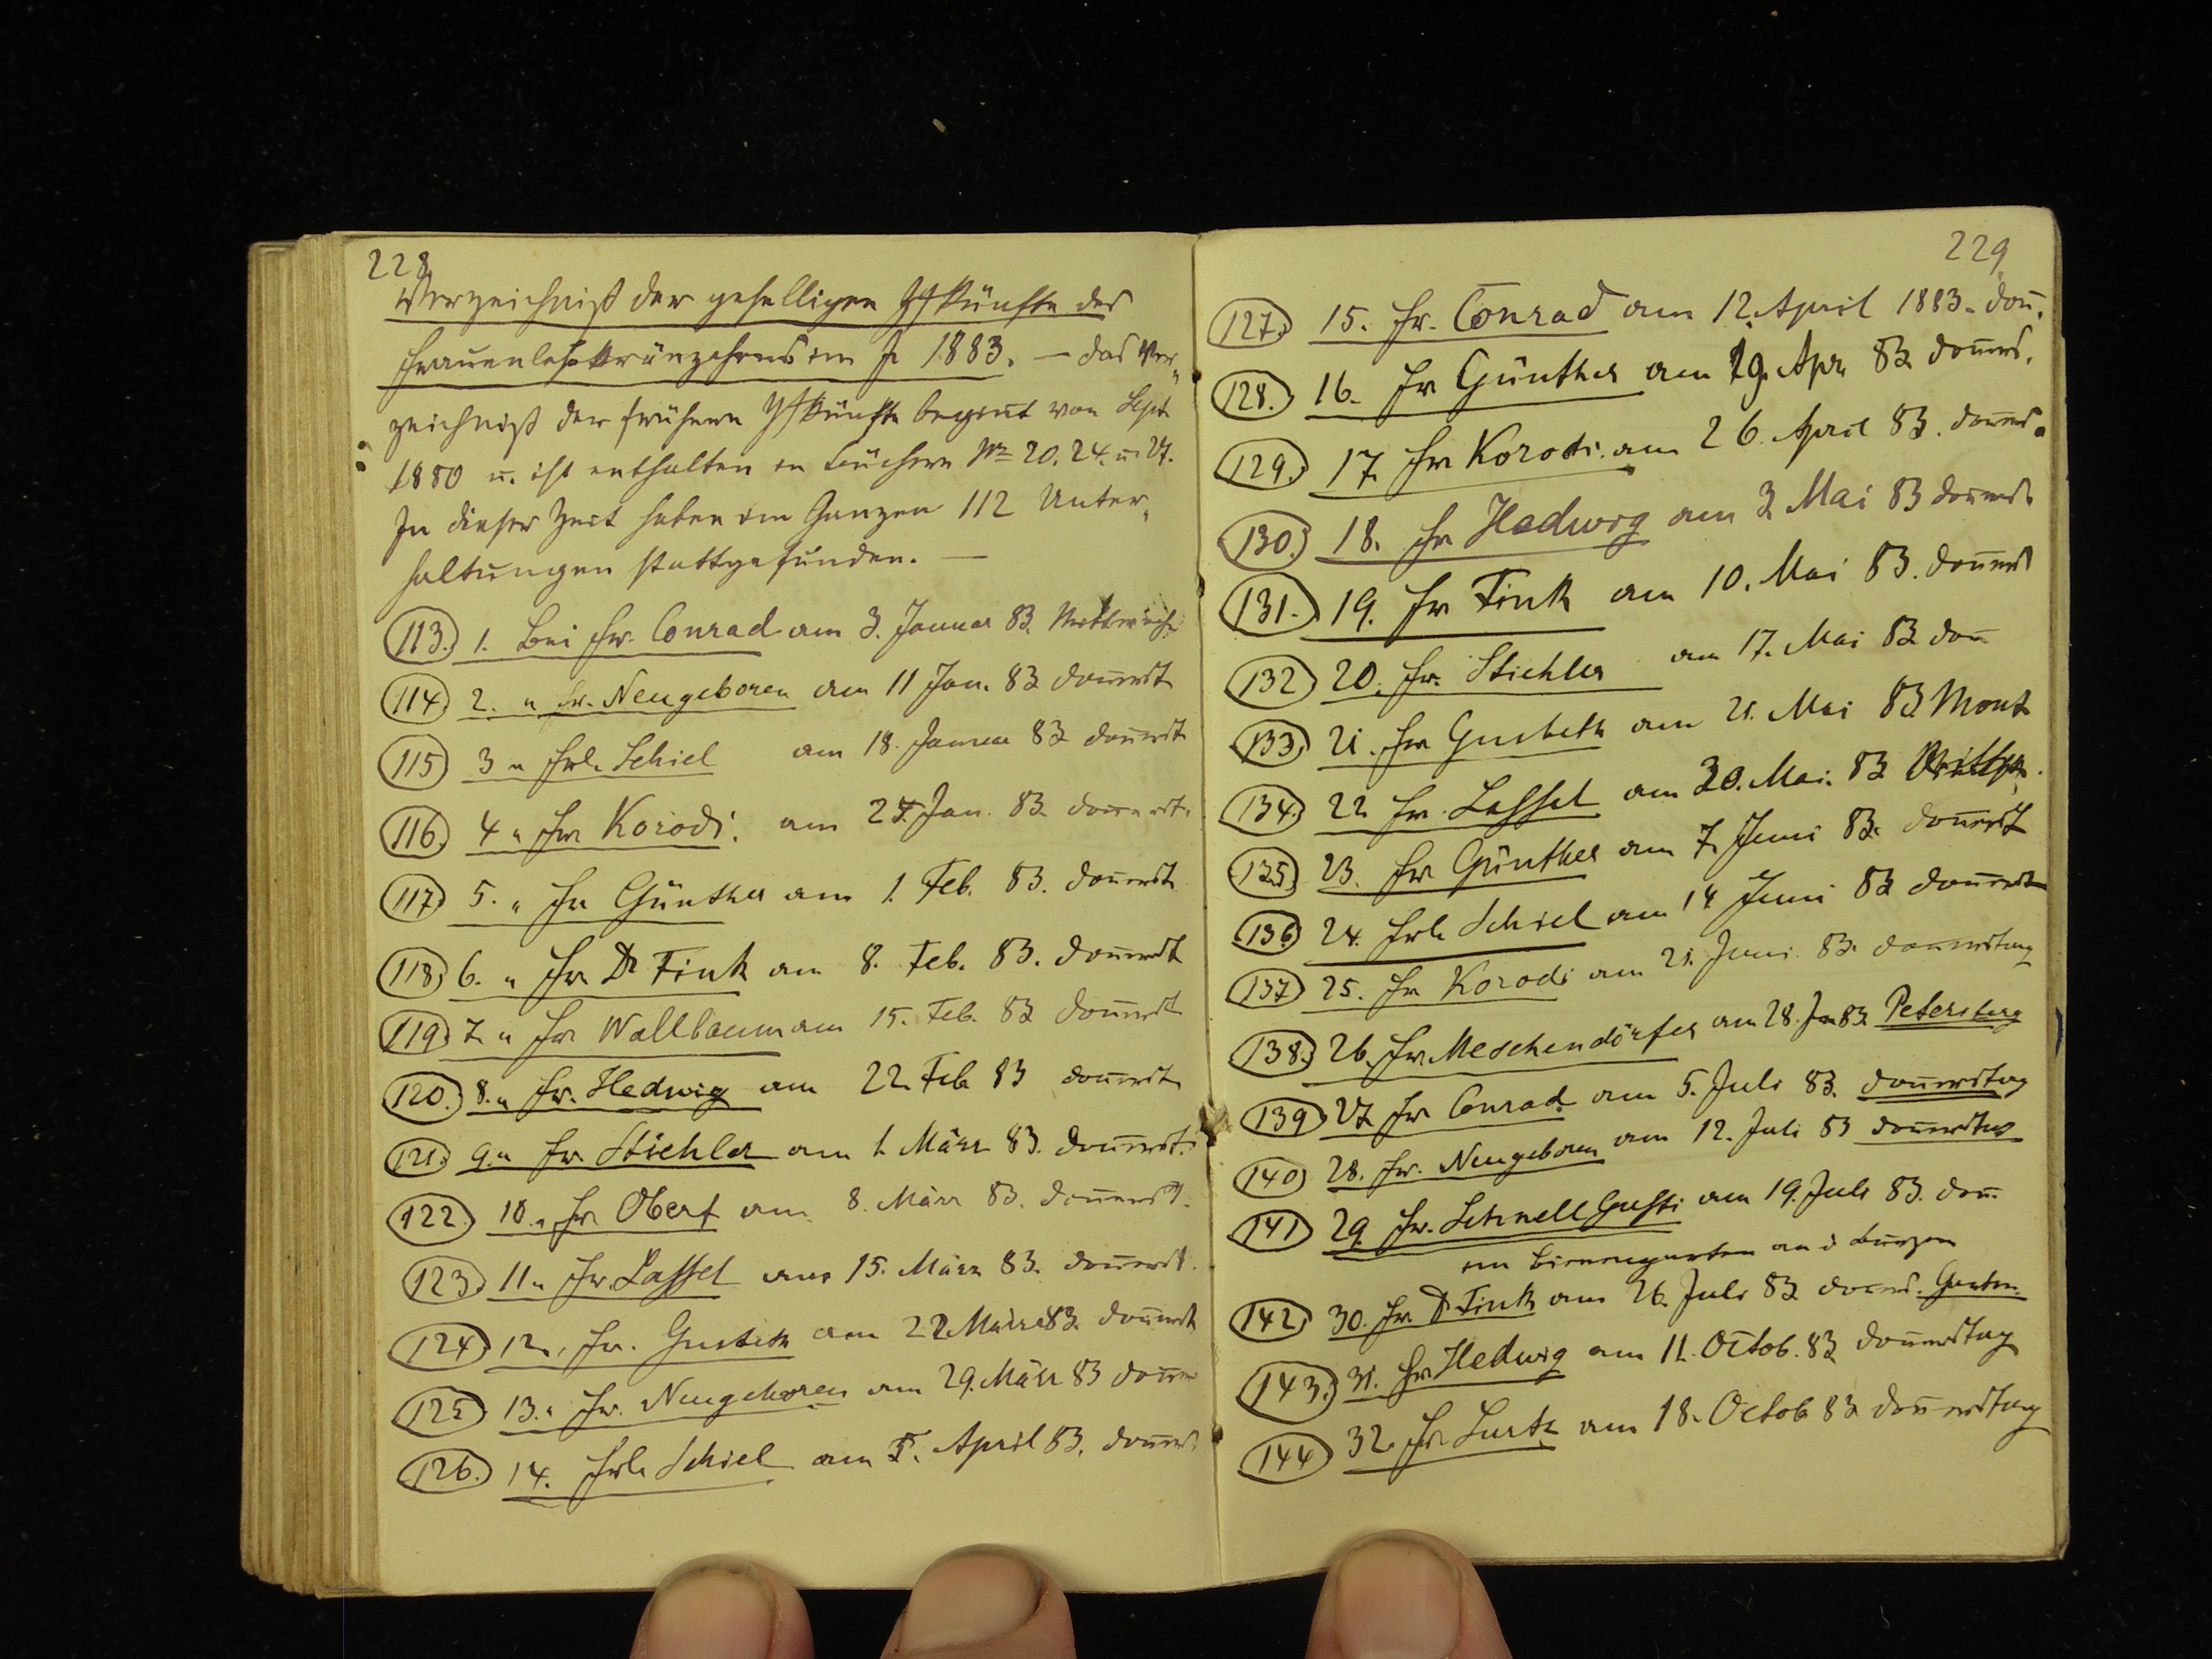228
Verzeichnis der geselligen Zusammenkünfte des
Frauenlesekränzchens im Jahre 1883.—Das Ver¬
zeichniß der Frühen Zusammenkünfte beginnt von Sept.
1880 und ist enthalten in Büchern Nr. 20; 24; und 27.-
In dieser Zeit haben in Ganzen 112 Unter¬
haltungen stattgefunden.—
113. 1) Bei Fr. Conrad am 3. Januar 83. Mittwoch
114. 2) Fr. Neugeboren am 11. Jan. 83 Donnerstag
115. 3) Fr. Schiel am 18. Januar 83 Donnerstag
116. 4) Fr. Korodi am 24. Januar 83 Donnerstag
117. 5) Fr. Günther am 1. Februar 83 Donnerstag
118. 6) Fr. Fink am 8. Februar 83 Donnerstag
119. 7) Fr. Wallbaumann am 15. Februar 83 Donnerstag
120. 8) Fr. Hedwig am 22. Februar 83 Donnerstag
121. 9) Fr. Stieler am 1. März 83 Donnerstag
122. 10) Fr. Obert am 8. März 83 Donnerstag
123. 11) Fr. Lassel am 15. März 83 Donnerstag
124. 12) Fr. Gusbeth am 22. März 83 Donnerstag
125. 13) Fr.Neugeboren am 29. März 83 Donnerstag
126. 14) Frl. Schiel am 5.April 83 Donnerstag
229
127. 15) Bei Fr. Conrad am 12. April 83 Donnerstag
128. 16) Fr. Günther am 19. April 83 Donnerstag
129. 17) Fr. Korodi am 26. April 83 Donnerstag
130. 18) Fr. Hedwig am 3. Mai 83 Donnerstag
131. 19) Fr. Fink am 10. Mai 83 Donnerstag
132. 20) Fr. Stiehler am 17. Mai 83 Donnerstag
133. 21) Fr. Gusbeth am 21 .Mai 83 Montag
134. 22) Fr. Lassel am 30. Mai 83 Mittwoch
135. 23) Fr. Günther am 7. Juni 83 Donnerstag
136. 24) Frl. Schiel am 14. Juni 83 Donnerstag
137. 25) Fr. Korodi am 21. Juni 83 Donnerstag
138. 26) Fr. Meschendörfer am 28. Juni 83 Peterstag
139. 27) Fr. Conrad am 5. Juli 83 Donnerstag
140. 28) Fr. Neugeboren am 12. Juli 83 Donnerstag
141. 29) Fr. Schnell Gusti am 19. Juli 83 Donnerstag
Im Birnengarten an der Burzen
142. 30) Fr. Dr. Fink am 26. Juli 83 Donnerst. Garten
143. 31) Fr. Hedwig am 11. Oktob. 83 Donnerstag
144. 32) Fr. Lurtz am 18. Oktob. 83 Donnerstag